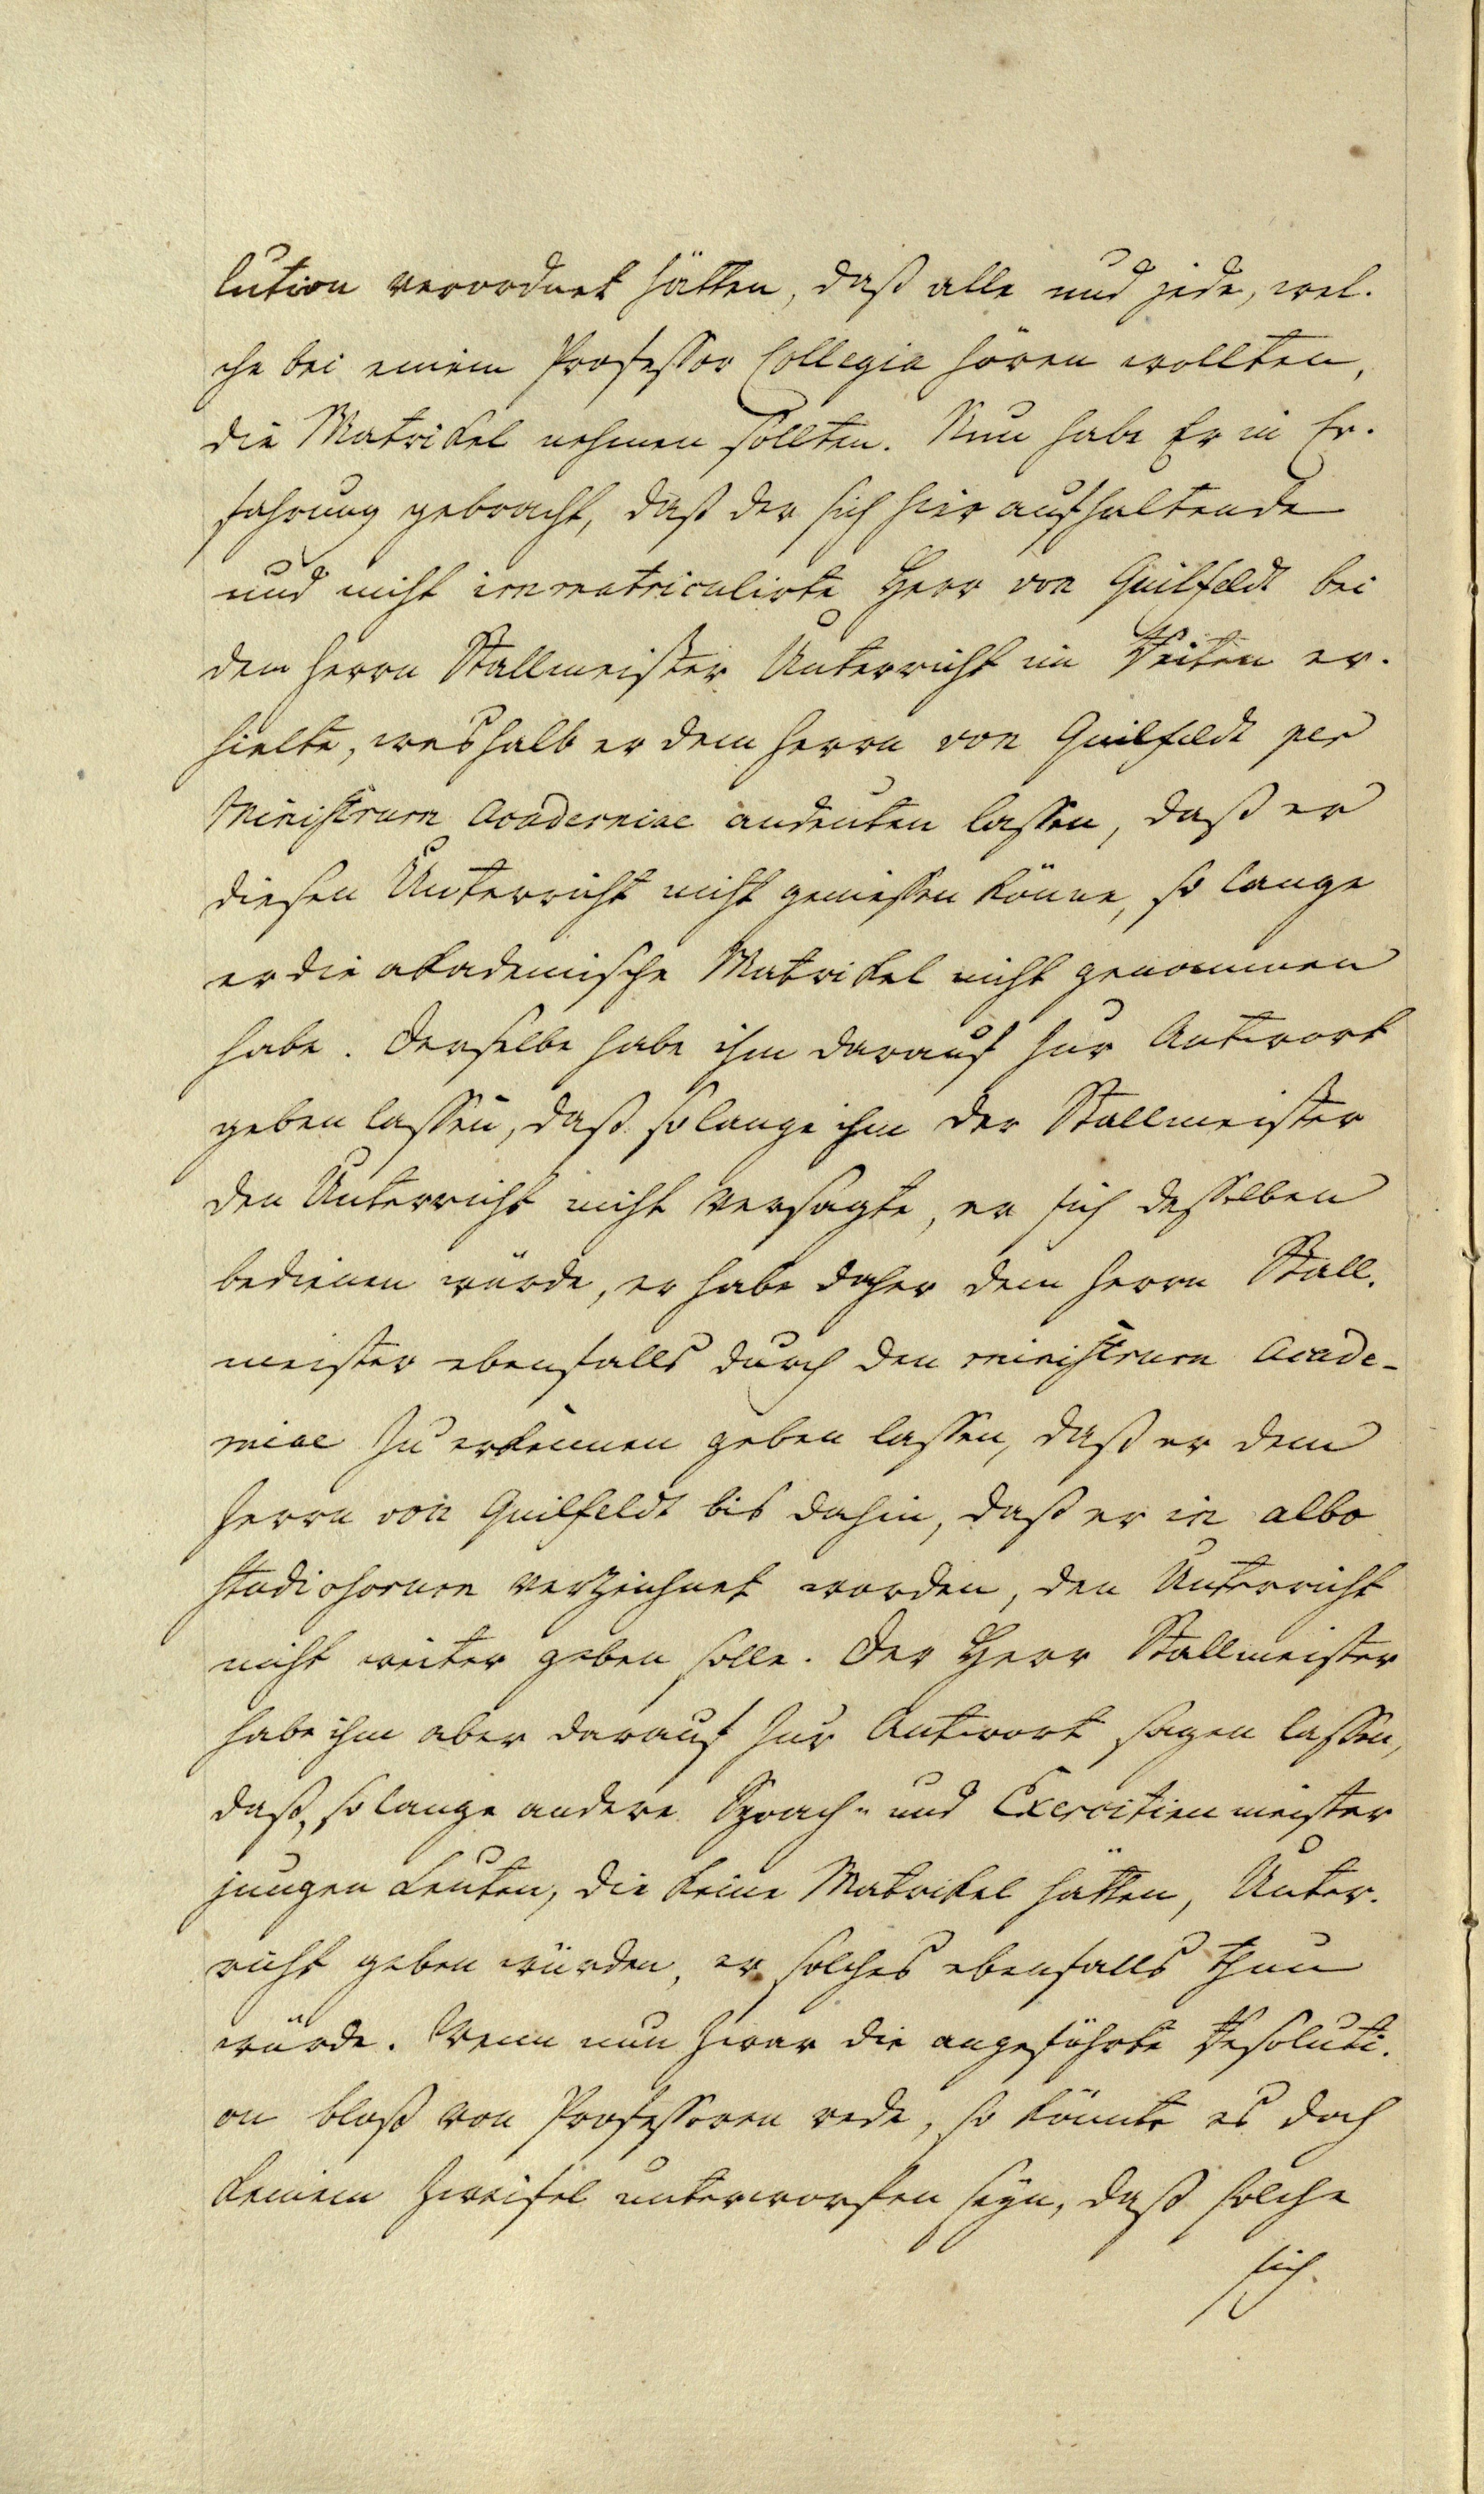lution verordnet hätten, daß alle und jede, wel¬
che bei einem Professor Collegia hören wollten,
die Matrikel nehmen sollten. um habe Er in Er¬
fahrung gebracht, daß der sich hier aufhaltende
und nicht immatriculirte Herr von Quilfeldt bei
dem Herrn Stallmeister Unterricht im Reiten er¬
hielte, weshalb er dem Herrn von Quilfeldt per
Ministrum Academiae andeuten lassen, daß er
diesen Unterricht nicht geniessen könne, so lange
er die akademische Matrikel nicht genommen
habe. Derselbe habe ihm darauf zur Antwort
geben lassen, daß solange ihm der Stallmeister
den Unterricht nicht versagte, er sich desselben
bedienen würde, er habe daher dem Herrn Stall¬
meister ebenfalls durch den ministrum Acade¬
miae zu erkennen geben lassen, daß er dem
Herrn von Quilfeldt bis dahin, daß er in albo
Studiosorum verzeichnet worden, den Unterricht
nicht weiter geben solle. Der Herr Stallmeister
habe ihm aber darauf zur Antwort sagen lassen,
daß, so lange andere Sprach- und Exercitienmeister
jungen leuten, die keine Matrikel hätten, Unter¬
richt geben würden, er solches ebenfalls thun
würde. Wenn nun zwar die angeführte Resoluti¬
on bloß von Professoren rede, so könnte es doch
keinem Zweifel unterworfen seÿn, daß solche
sich